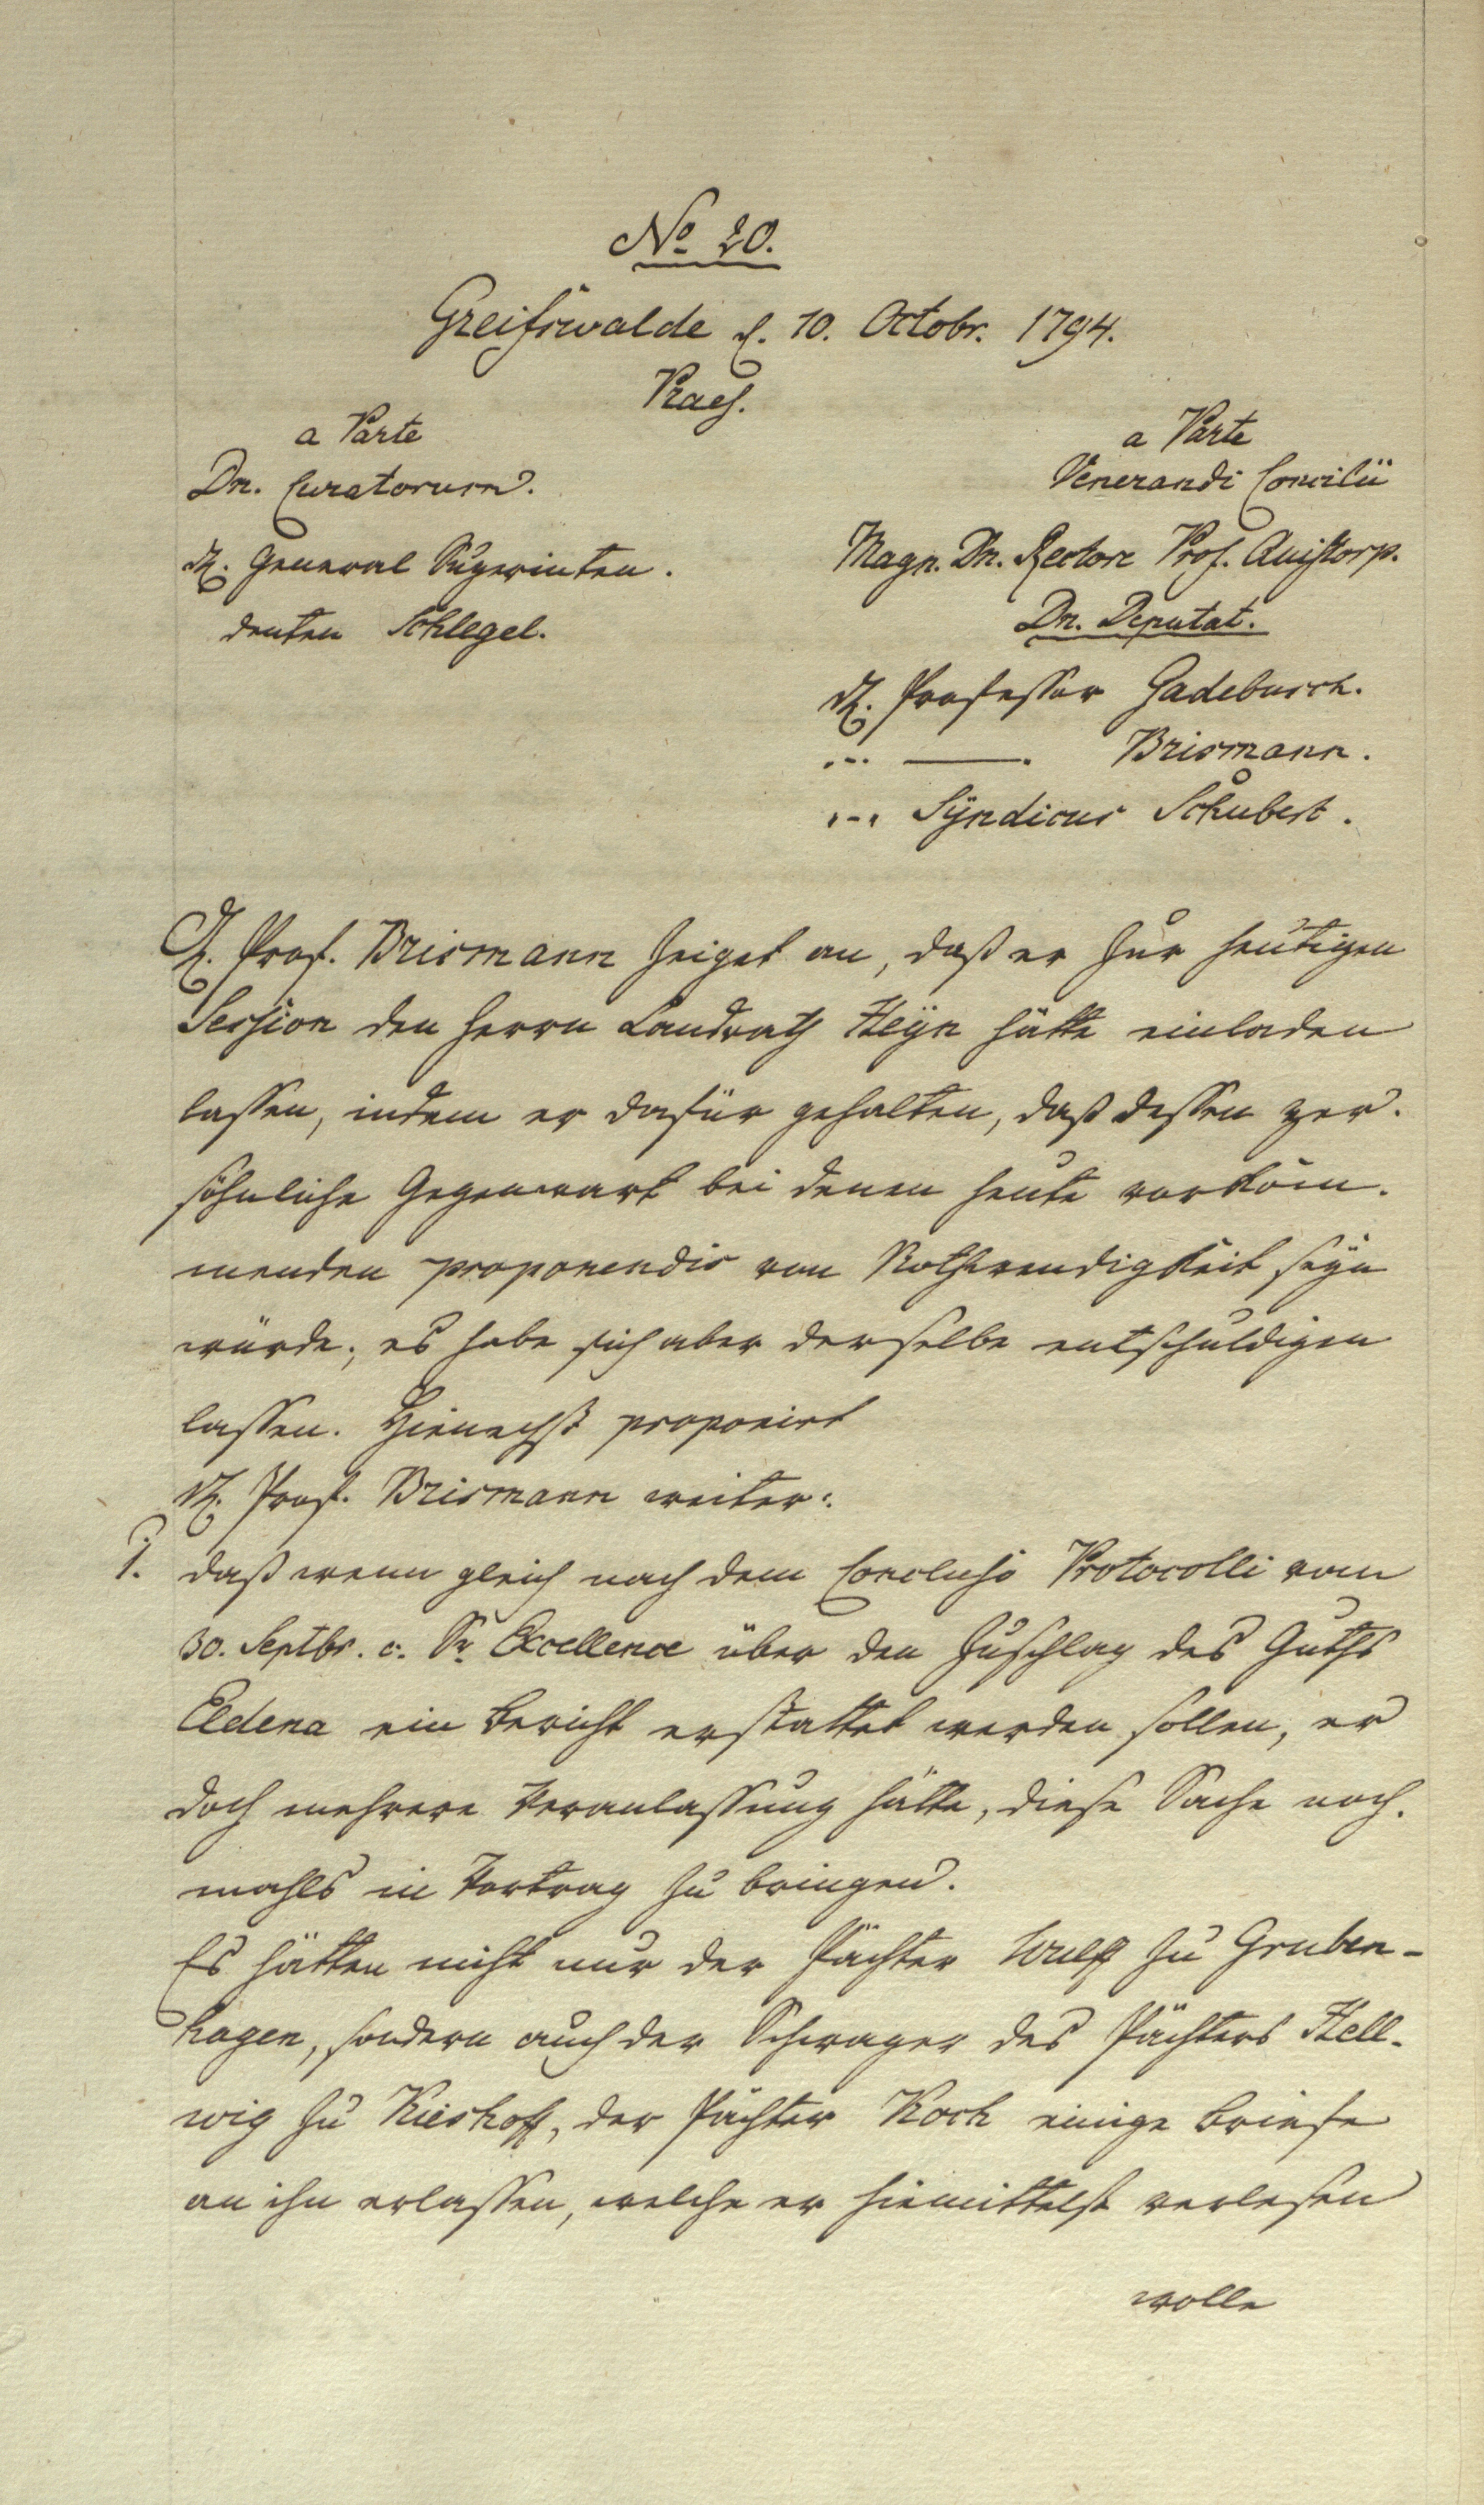No 20.
Greifswalde d. 10. Octobr. 1794.
Praes.
a Parte a Parte
Dn. Curatorum. Venerandi Concilii
dh General Superinten¬ Magn. Dn. Rector Prof. Quistorp.
denten Schlegel. Dn. Deputat.
dh. Professor Gadebusch.
Brismann.
Sÿndicus Schubert.
dh. Prof. Brismann zeiget an, daß er zur heutigen
Session den Herrn Landrath Heÿn hätte einladen
lassen, indem er dafür gehalten, daß dessen per¬
söhnliche Gegenwart bei denen heute vorkom¬
menden proponendis von Nothwendigkeit seÿn
würde; es habe sich aber derselbe entschuldigen
lassen. Hienechst proponirt
dh. Prof. Brismann weiter:
1. daß wenn gleich nach dem Concluso Protocolli vom
30. Septbr. c. Sr Excellence über den Zuschlag des Guths
Eldena ein Bericht erstattet werden sollen, er
doch mehrere Veranlassung hätte, diese Sache noch¬
mahls in Vortrag zu bringen.
Es hätten nicht nur der Pächter Wulff zu Gruben¬
hagen, sondern auch der Schwager des Pächters Hell¬
wig zu Kieshoff, der Pächter Koch einige Briefe
an ihn erlassen, welche er hiemittelst verlesen
wolle